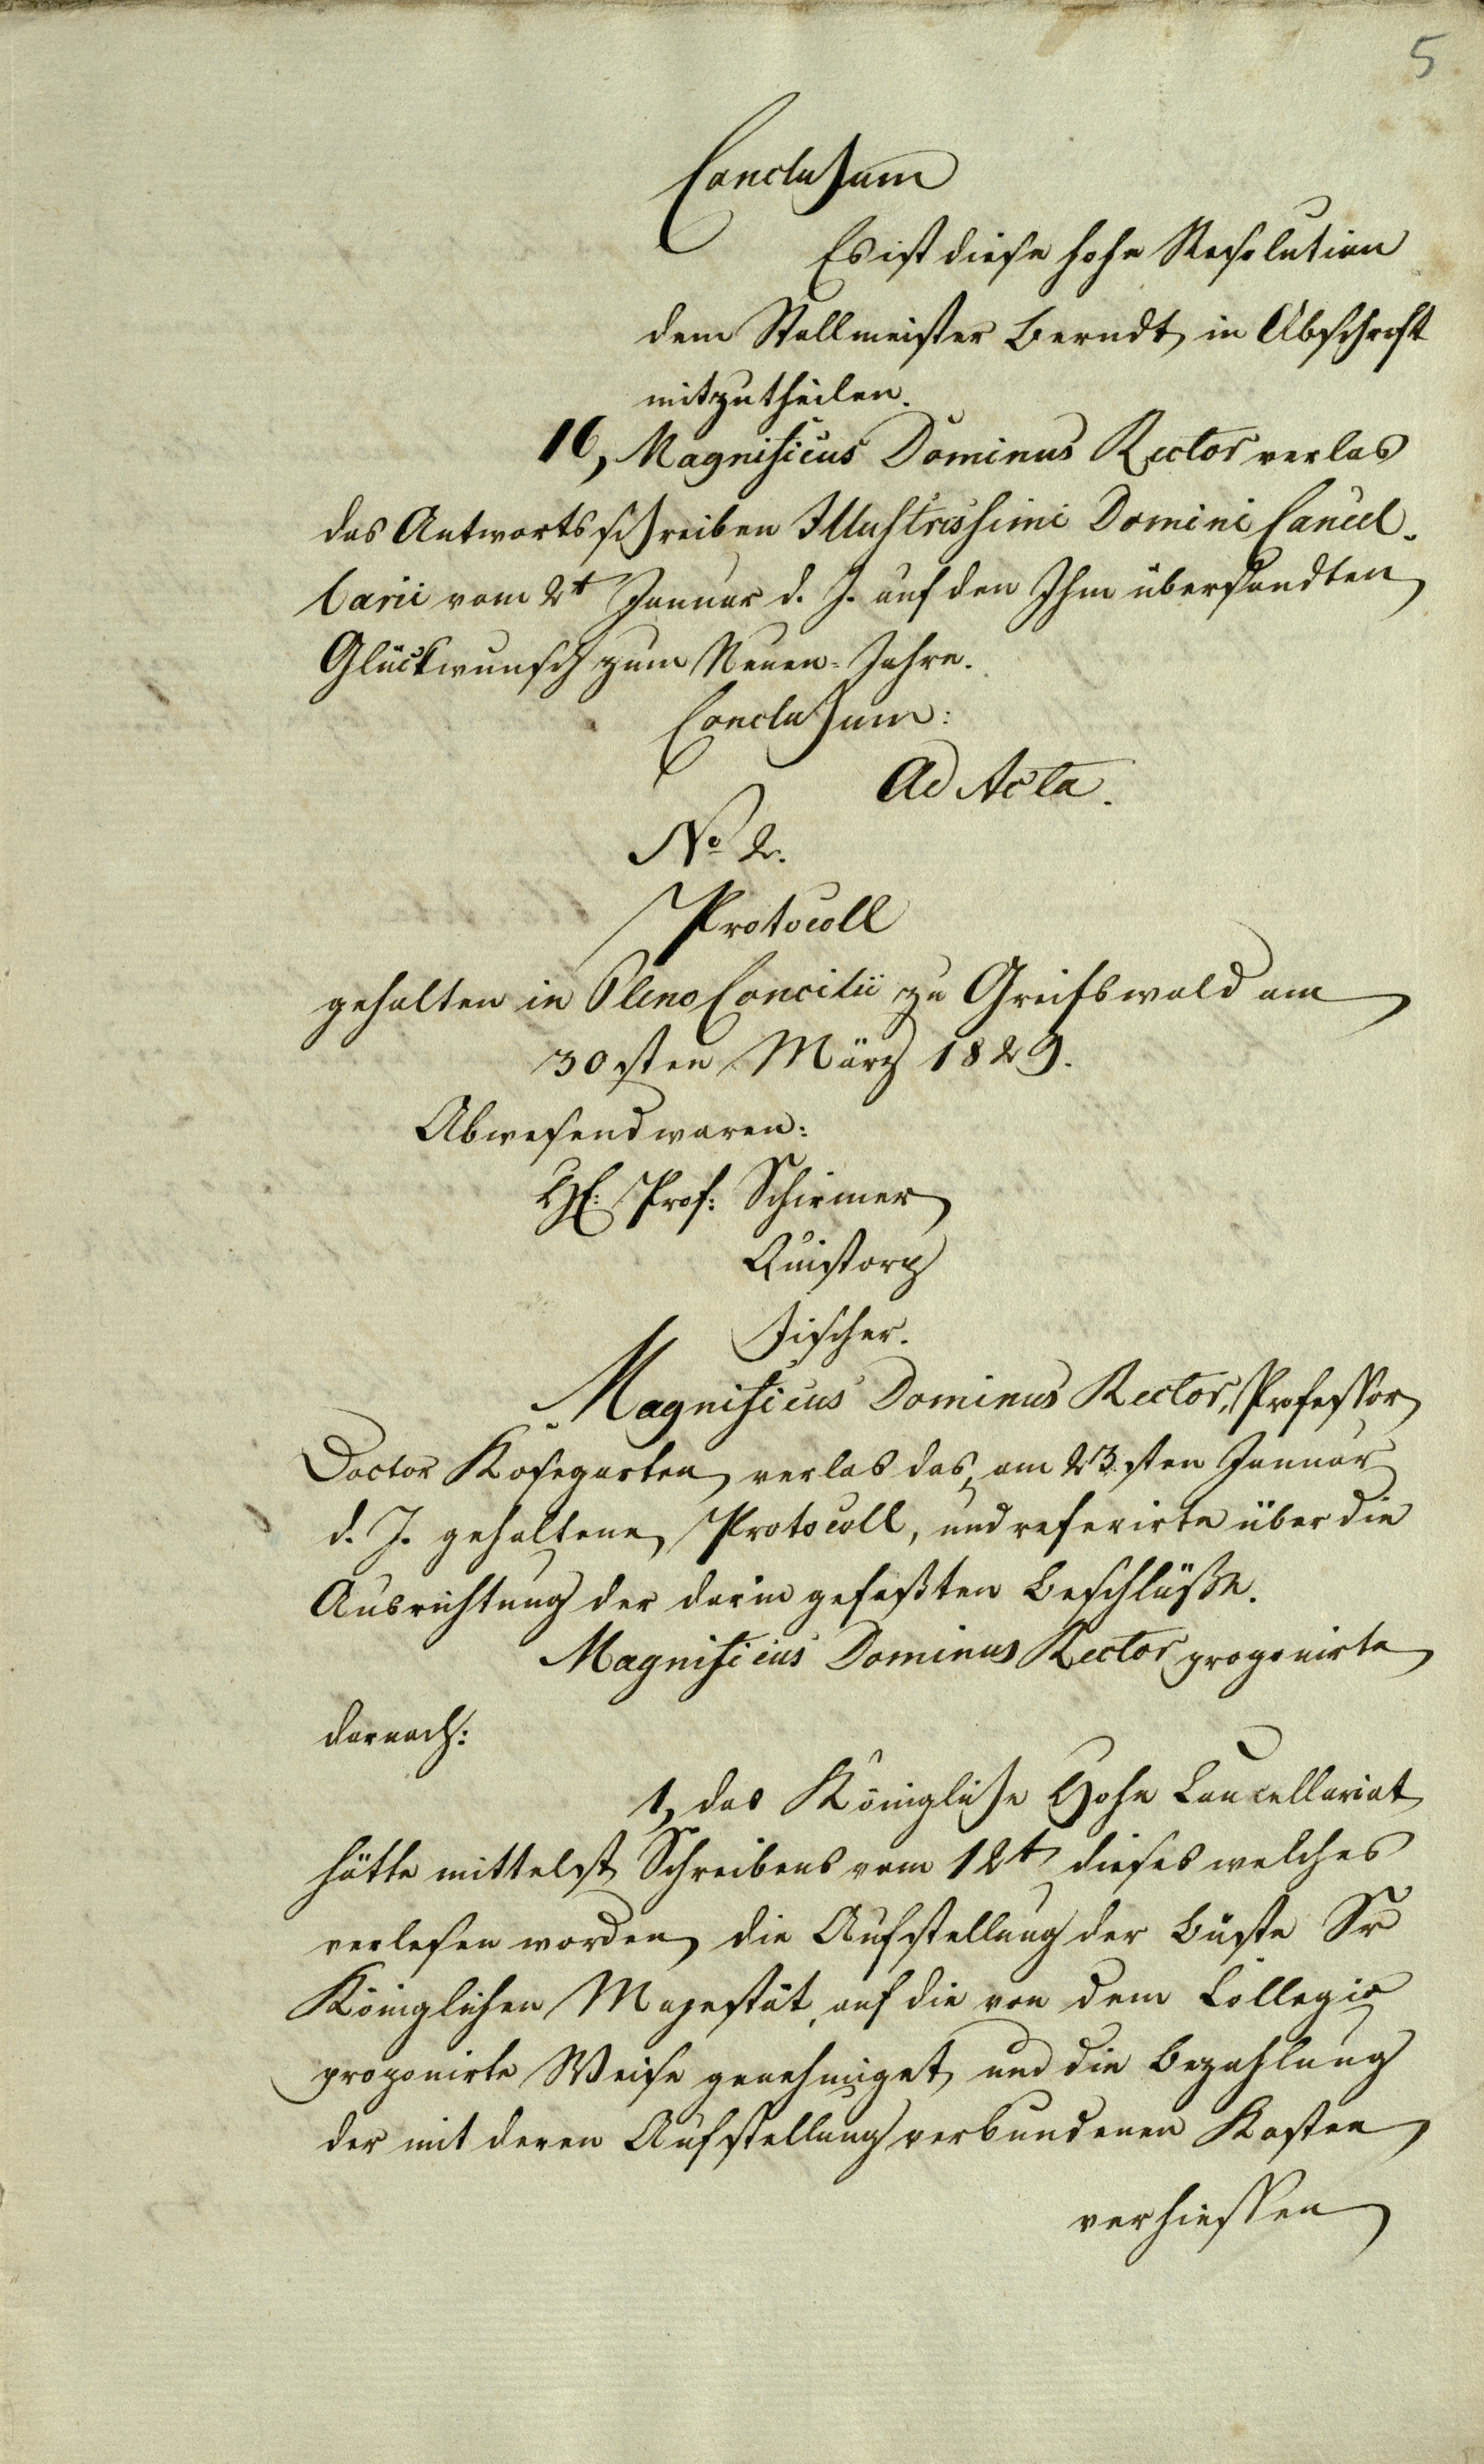Conclusum
Es ist diese hohe Resolution
dem Stallmeister Berndt in Abschrift
mitzutheilen.
16, Magnificus Dominus Rector verlas
das Antwortschreiben Illustrissimi Domini Cancel¬
larii vom 2ten Januar d. J. auf den Ihm übersandten
Glückwunsch zum Neuen Jahre.
Conclusum:
Ad Acta.
Nº 2.
Protocoll
gehalten in Pleno Concilii zu Greifswald am
30sten März 1829.
Abwesend waren:
HE: Prof: Schirmer,
Quistorp,
Fischer.
Magnificus Dominus Rector, Professor
Doctor Kosegarten verlas das am 23sten Januar
d. J. gehaltene Protocoll, und referirte über die
Ausrichtung der darin gefaßten Beschlüße.
Magnificus Dominus Rector proponirte
darnach:
1, das Königliche Hohe Cancellariat
hätte mittelst Schreibens vom 12ten dieses welches
verlesen worden, die Aufstellung der Büste Sr
Königlichen Majestät auf die von dem Collegio
proponirte Weise genehmiget, und die Bezahlung
der mit deren Aufstellung verbundenen Kosten
verhiessen